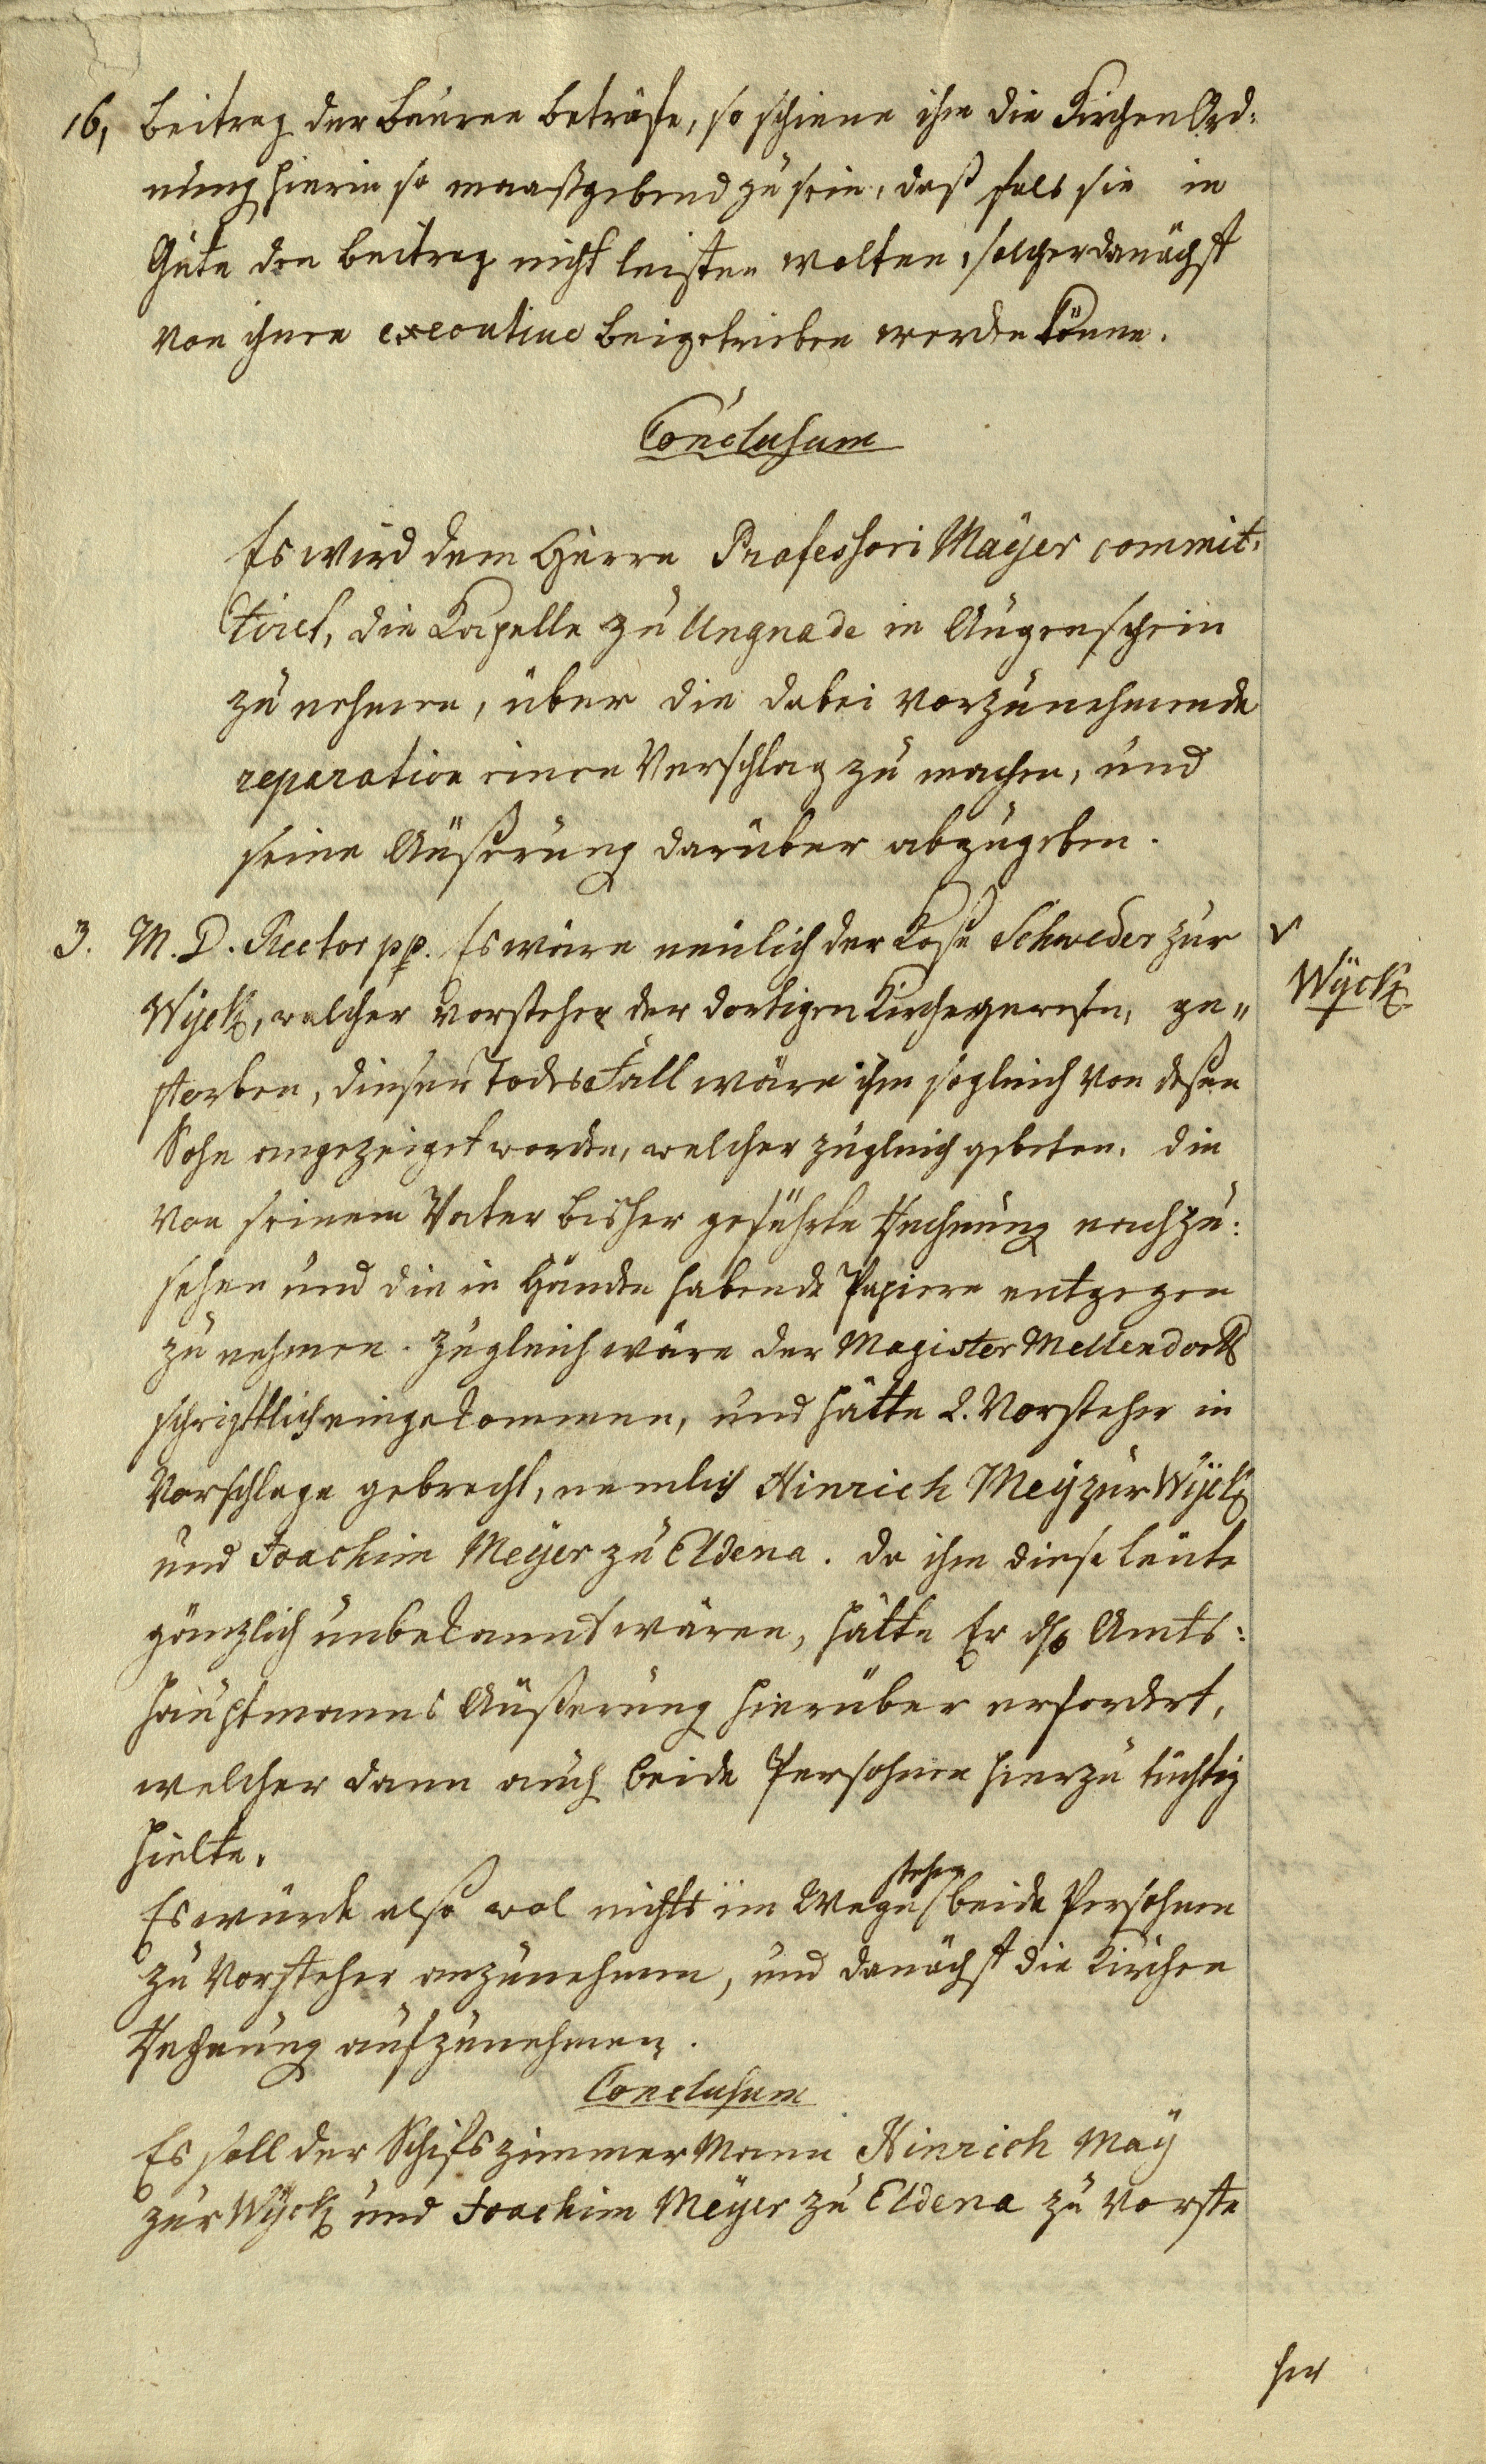Beitrag der Bauren beträfe, so schiene ihm die KirchenOrd¬
nung hierin so maaßgebend zu sein, daß fals sie in
Gute den Beitrag nicht leisten wolten, solcherdanächst
von ihnen excontine beigetrieben werden könne.
Conclusum
Es wird dem Herrn Professori Maÿer commit¬
tiret, die Kapelle zu Ungnade in Augenschein
zu nehmen, über die dabei vorzunehmende
reparation einen Verschlag zu machen, und
seine Äußerung darüber abzugeben.
3. M. D. Rector pp. Es wäre neulich der Koße Schweder zur
Wÿck, welcher vorsteher der dortigen Kirchegewesen, ge¬ Wÿck
storben, dieser TodesFall wäre ihm sogleich von deßen
Sohn angezeiget worden, welcher zugleich gebeten, die
von seinem Vater bisher geführte Rechnung nachzu¬
sehen und die in Händen habende Papiere entgegen
zu nehmen. Zugleich wäre der Magister Mellendorf
schriftlich eingekommen, und hätte 2. Vorsteher in
Vorschlage gebracht, nemlich Hinrich Meÿ zur Wÿck
und Joachim Meÿer zu Eldena. da ihm diese Leute
gänzlich unbekannt wären, hätte Er dh Amts¬
hauptmanns Äußerung hierüber erfordert,
welcher dann auch beide Persohnen hierzu tüchtig
hielte.
Es würde also wol nichts im Wege stehen, beide Persohnen
zu Vorsteher anzunehmen, und danächst die Kirchen
Rechnung aufzunehmen.
Conclusum
Es soll derSchifszimmer Mann Hinrich Maÿ
zur Wÿck und Joachim Meÿer zu Eldena zu Vorste
her